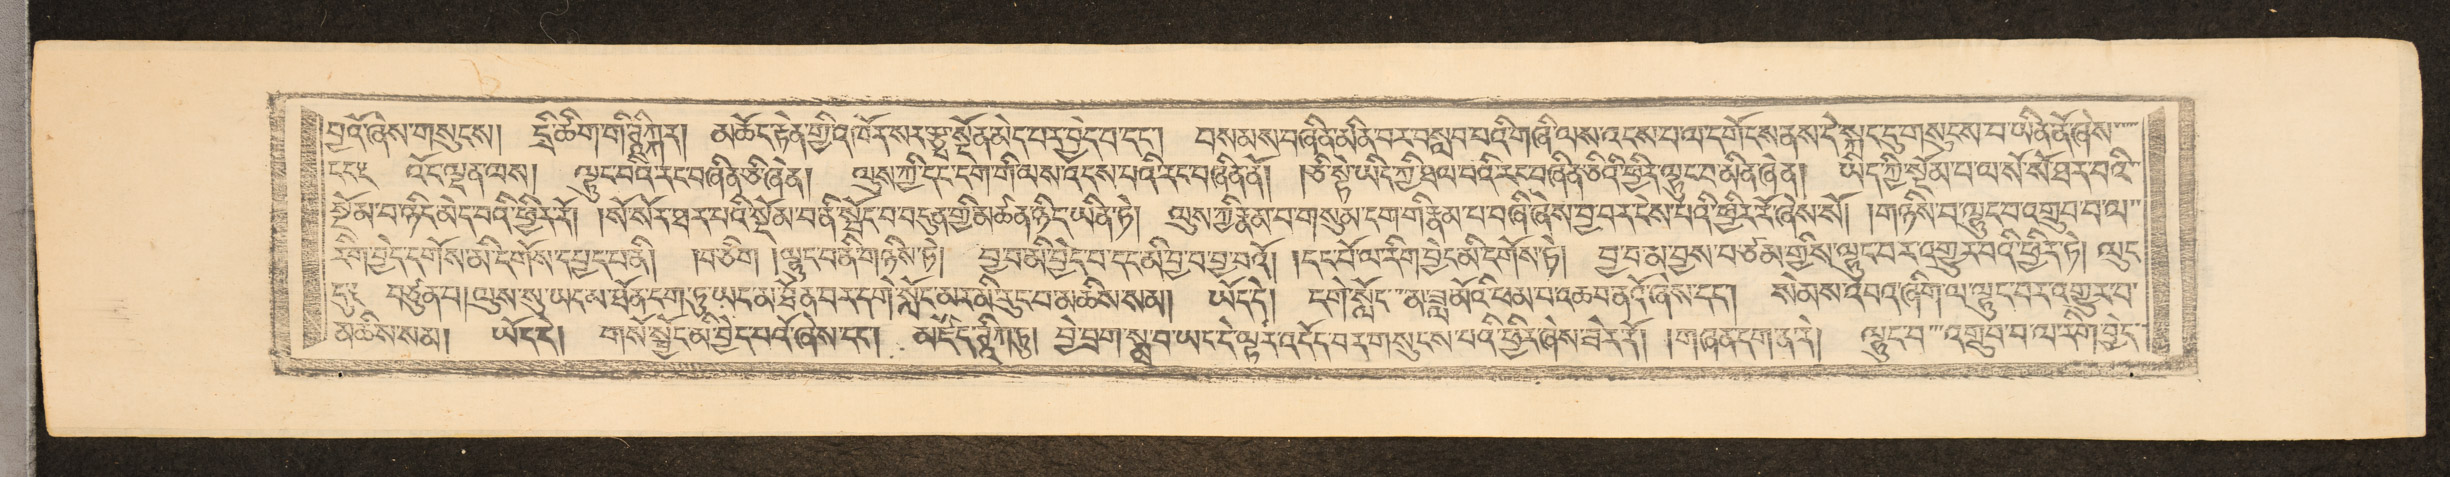བྱའོ་ཞེས་གསུངས། དྲི་ཚིག་གི་ཊཱིཀྐར། མཆོད་རྟེན་གྱི་འཁོར་སར་རྩྭ་སྔོན་མེད་པར་བྱེད་པ་དང་། བསམས་བཞིན་མིན་པར་བསླབ་པའི་གཞི་ལས་འདས་པ་ལ་དགོངས་ནས་དེ་སྐད་དུ་གསུངས་པ་ཡིན་ནོ་ཞེས་
དང༑ འོད་ལྡན་ལས། ལྟུང་བའི་རང་བཞིན་ཅི་ཞེ་ན། ལུས་ཀྱི་དང་ངག་གི་ལས་འདས་པའི་རང་བཞིན་ནོ། །ཅི་སྟེ་ཡིད་ཀྱི་ཐལ་བའི་རང་བཞིན་ཅིའི་ཕྱིར་ལྟུང་བ་མིན་ཞེ་ན། ཡིད་ཀྱི་སྡོམ་པ་ལ་སོ་སོ་ཐར་པའི་
སྡོམ་པ་ཉིད་མེད་པའི་ཕྱིར་རོ། །སོ་སོར་ཐར་པའི་སྡོམ་པ་ནི་སྤོང་བ་བདུན་གྱི་མཚན་ཉིད་ཡིན་ཏེ། ལུས་ཀྱི་རྣམ་པ་གསུམ་ངག་གི་རྣམ་པ་བཞི་ཞེས་བྱ་བར་ངེས་པའི་ཕྱིར་རོ་ཞེས་སོ། །གཉིས་པ་ལྟུང་བ་འགྲུབ་པ་ལ་
རིག་བྱེད་དགོས་མི་དགོས་དཔྱད་པ་ནི། ཁ་ཅིག །ལྟུང་བ་ནི་གཉིས་ཏེ། བྱ་བ་མི་བྱེད་པ་དང་མི་བྱ་བ་བྱ་བའོ། །དང་པོ་ལ་རིག་བྱེད་མི་དགོས་ཏེ། བྱ་བ་མ་བྱས་པ་ཙམ་གྱིས་ལྟུང་བར་འགྱུར་བའི་ཕྱིར་ཏེ། ལུང་
དུ༑ བཙུན་པ། ལུས་སུ་ཡང་མ་ཐོན་ངག་ཏུ་ཡང་མ་ཐོན་པར་དགེ་སློང་མར་མི་རུང་བ་མཆིས་སམ། ཡོད་དེ། དགེ་སློང་མ་ཟླ་མོའི་ཕམ་པ་འཆབ་ནའོ་ཞེས་དང་། སེམས་འབའ་ཞིག་ལ་ལྟུང་བར་འགྱུར་བ་
མཆིས་སམ། ཡོད་དེ། གསོ་སྦྱོང་མི་བྱེད་པའོ་ཞེས་དང་། མཛོད་ཊཱིཀ་ཏུ། བྱེ་བྲག་སྨྲ་བ་ཡང་དེ་ལྟར་འདོད་པར་གསུངས་པའི་ཕྱིར་ཞེས་ཟེར་རོ། །གཞན་དག་ན་རེ། ལྟུང་བ་འགྲུབ་པ་ལ་རིག་བྱེད་